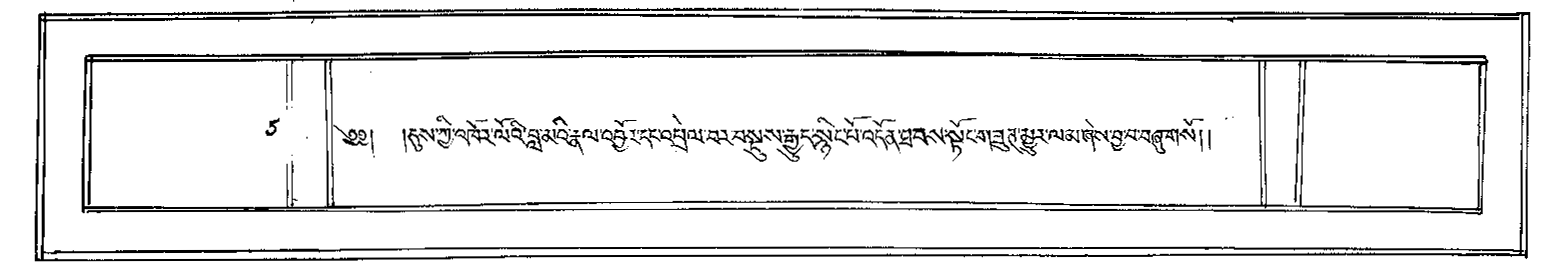༄༅། །དུས་ཀྱི་འཁོར་ལོའི་བླ་མའི་རྣལ་འབྱོར་དང་འབྲེལ་བར་བསྡུས་རྒྱུད་སྙིང་པོ་འདོན་ཐབས་སྟོང་གཟུགས་མྱུར་ལམ་ཞེས་བྱ་བ་བཞུགས་སོ།།